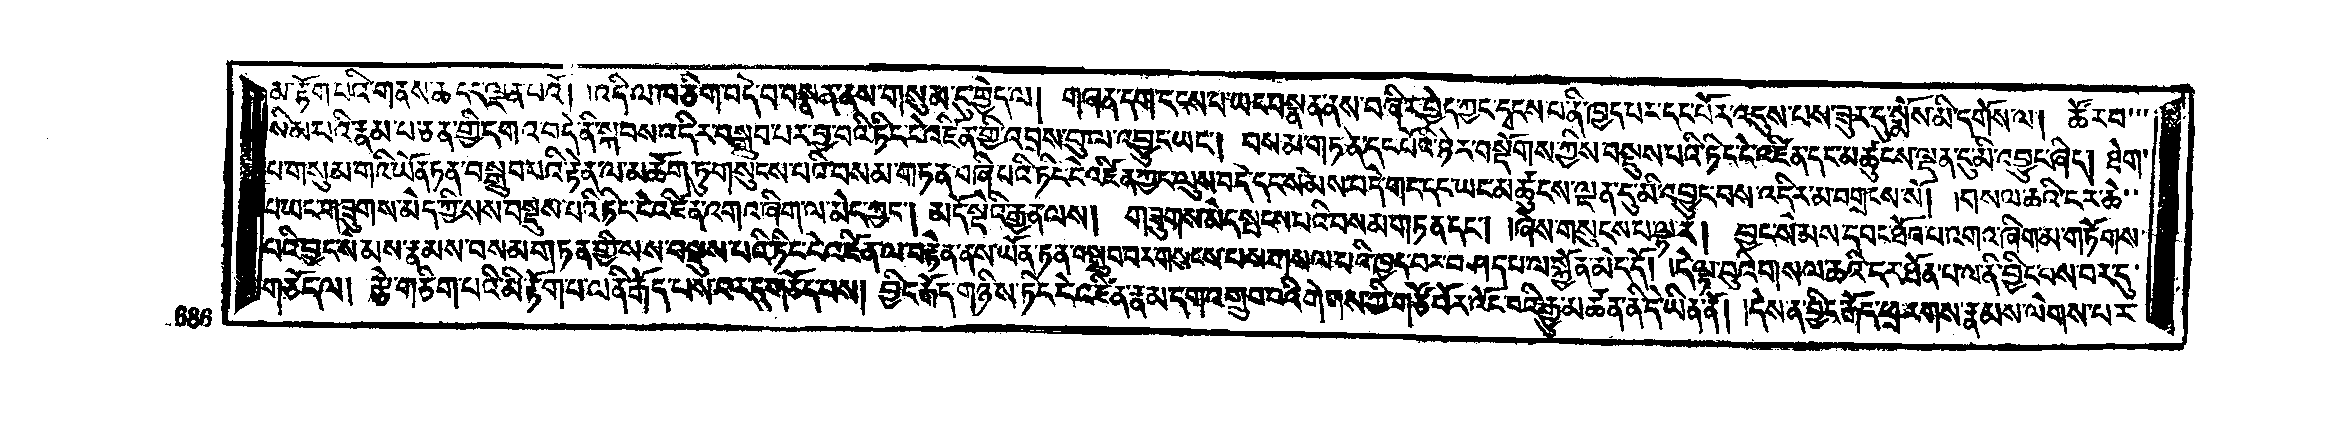མི་རྟོག་པའི་གནས་ཆ་དང་ལྡན་པའོ། །འདི་ལ་ཁ་ཅིག་བདེ་བ་བསྣན་ནས་གསུམ་དུ་བྱེད་ལ། གཞན་དག་དྭངས་པ་ཡང་བསྣན་ནས་བཞིར་བྱེད་ཀྱང་དྭངས་པ་ནི་ཁྱད་པར་དང་པོར་འདུས་པས་ཟུར་དུ་སྨོས་མི་དགོས་ལ། ཚོར་བ་
སིམ་པའི་རྣམ་པ་ཅན་གྱི་དགའ་བདེ་ནི་སྐབས་འདིར་བསྒྲུབ་པར་བྱ་བའི་ཏིང་ངེ་འཛིན་གྱི་འབྲས་བུ་ལ་འབྱུང་ཡང་། བསམ་གཏན་དང་པོའི་ཉེར་བསྡོགས་ཀྱིས་བསྡུས་པའི་ཏིང་ངེ་འཛིན་དང་མཚུངས་ལྡན་དུ་མི་འབྱུང་ཞིང་། ཐེག་
པ་གསུམ་གའི་ཡོན་ཏན་བསྒྲུབ་པའི་རྟེན་ལ་མཆོག་ཏུ་གསུངས་པའི་བསམ་གཏན་བཞི་པའི་ཏིང་ངེ་འཛིན་ཀྱང་ལུས་བདེ་དང་སེམས་བདེ་གང་དང་ཡང་མཚུངས་ལྡན་དུ་མི་འབྱུང་བས་འདིར་མ་བགྲངས་སོ། །གསལ་ཆའི་ངར་ཆེ་
བ་ཡང་གཟུགས་མེད་ཀྱི་སས་བསྡུས་པའི་ཏིང་ངེ་འཛིན་འགའ་ཞིག་ལ་མེད་ཀྱང་། མདོ་སྡེའི་རྒྱན་ལས། གཟུགས་མེད་སྤངས་པའི་བསམ་གཏན་དང་། །ཞེས་གསུངས་པ་ལྟར། བྱང་སེམས་དབང་ཐོབ་པ་འགའ་ཞིག་མ་གཏོགས་
པའི་བྱང་སེམས་རྣམས་བསམ་གཏན་གྱི་སས་བསྡུས་པའི་ཏིང་ངེ་འཛིན་ལ་བརྟེན་ནས་ཡོན་ཏན་བསྒྲུབ་པར་གསུངས་པས་གསལ་བའི་ཁྱད་པར་བཤད་པ་ལ་སྐྱོན་མེད་དོ། །དེ་ལྟ་བུའི་གསལ་ཆའི་ངར་ཐོན་པ་ལ་ནི་བྱིང་བས་བར་དུ་
གཅོད་ལ། རྩེ་གཅིག་པའི་མི་རྟོག་པ་ལ་ནི་རྒོད་པས་བར་དུ་གཅོད་པས། བྱིང་རྒོད་གཉིས་ཏིང་ངེ་འཛིན་རྣམ་དག་འགྲུབ་པའི་གེགས་ཀྱི་གཙོ་བོར་འོང་བའི་རྒྱུ་མཚན་ནི་དེ་ཡིན་ནོ། །དེས་ན་བྱིང་རྒོད་ཕྲ་རགས་རྣམས་ལེགས་པར་